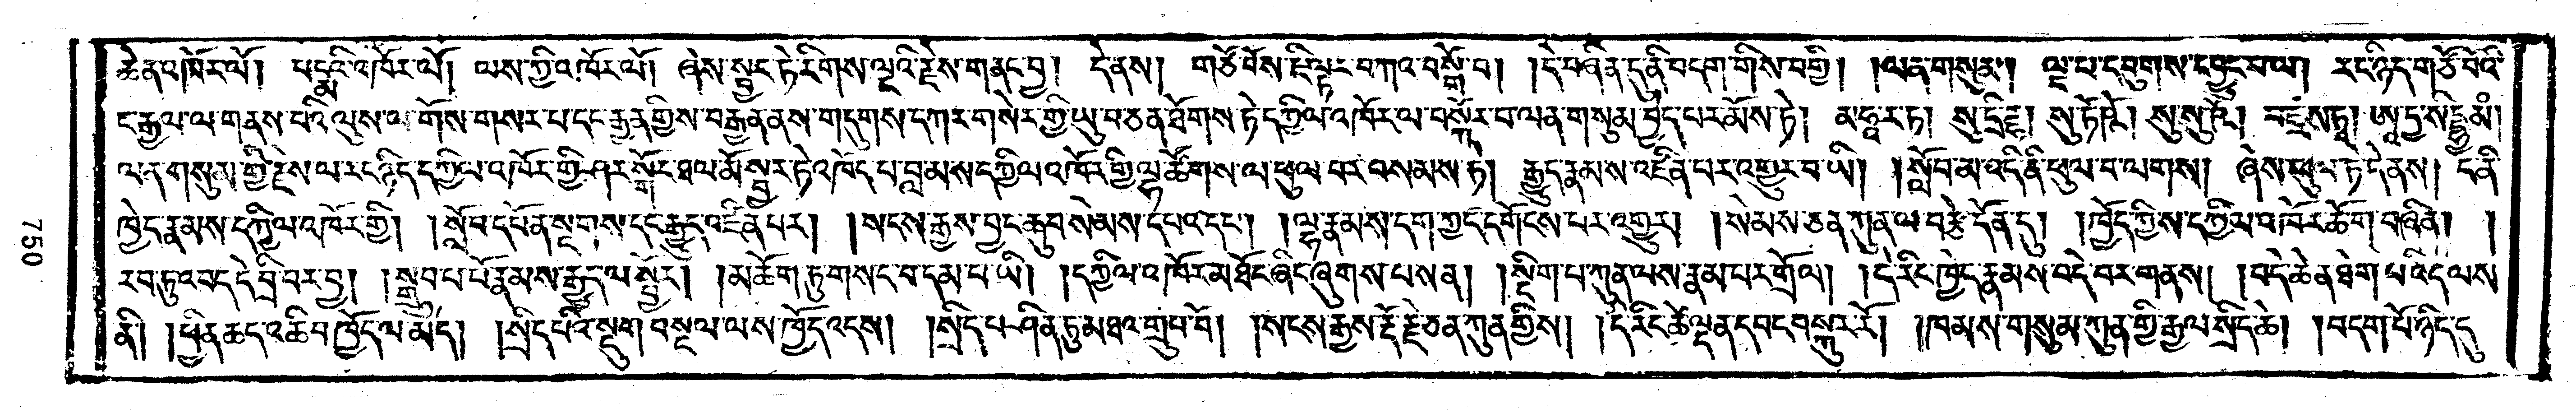ཆེན་འཁོར་ལོ། པདམའི་འཁོར་ལོ། ལས་ཀྱི་འཁོར་ལོ། ཞེས་སྦྱང་ཏེ་རིགས་ལྔའི་རྗེས་གནང་བྱ། དེ་ནས། གཙོ་བོས་ཇི་ལྟར་བཀའ་བསྒོ་བ། །དེ་བཞིན་དུ་ནི་བདག་གིས་བགྱི། །ལན་གསུམ། ལྔ་པ་དབུགས་དབྱུང་བ་ལ། རང་ཉིད་གཙོ་བོའི་
ང་རྒྱལ་ལ་གནས་པའི་ལུས་ལ་གོས་གསར་པ་དང་རྒྱན་གྱིས་བརྒྱན་ནས་གདུགས་དཀར་གསེར་གྱི་ཡུ་བ་ཅན་ཐོགས་ཏེ་དཀྱིལ་འཁོར་ལ་བསྐོར་བ་ལན་གསུམ་བྱེད་པར་མོས་ཏེ། མཧཱ་ར་ཏ། སུ་དྲིཌྷ། སུ་ཏོ་ཥོ། སུ་སུ་ཥོ། བཛྲ་སཏྭ། ཨཱ་དྱ་སིདྷྱ་མཾ།
ལན་གསུམ་གྱི་རྗེས་ལ་རང་ཉིད་དཀྱིལ་འཁོར་གྱི་ཤར་སྒོར་ཐལ་མོ་སྦྱར་ཏེ་འཁོད་པ་བླ་མས་དཀྱིལ་འཁོར་གྱི་ལྷ་ཚོགས་ལ་ཕུལ་བར་བསམས་ཏེ། རྒྱུད་རྣམས་འཛིན་པར་འགྱུར་བ་ཡི། །སློབ་མ་འདི་ནི་ཕུལ་བ་ལགས། ཞེས་ཕུལ་ཏེ་དེ་ནས། ང་ནི་
ཁྱེད་རྣམས་དཀྱིལ་འཁོར་གྱི། །སློབ་དཔོན་སྔགས་དང་རྒྱུད་འཛིན་པར། །སངས་རྒྱས་བྱང་ཆུབ་སེམས་དཔའ་དང་། །ལྷ་རྣམས་དག་ཀྱང་དགོངས་པར་འགྱུར། །སེམས་ཅན་ཀུན་ལ་བརྩེ་དོན་དུ། །ཁྱོད་ཀྱི་ས་དཀྱིལ་འཁོར་ཆོ་ག་བཞིན། །
རབ་ཏུ་འབད་དེ་བྲི་བར་བྱ། །སྒྲུབ་པ་པོ་རྣམས་རྒྱུད་ལ་སྦྱོར། །མཆོག་ཏུ་གསང་བ་དམ་པ་ཡི། །དཀྱིལ་འཁོར་མཐོང་ཞིང་ཞུགས་པས་ན། །སྡིག་པ་ཀུན་ལས་རྣམ་པར་གྲོལ། །དེ་རིང་ཁྱེད་རྣམས་བདེ་བར་གནས། །བདེ་ཆེན་ཐེག་པ་འདི་ལས་
ནི། །ཕྱིན་ཆད་འཆིབ་ཁྱོད་ལ་མེད། །སྲིད་པའི་སྡུག་བསྔལ་ལས་ཁྱོད་འདས། །སྲིད་པ་ཤིན་ཏུ་མཐའ་གྲུབ་བོ། །སངས་རྒྱས་རྡོ་རྗེ་ཅན་ཀུན་གྱིས། །དེ་རིང་ཚེ་ལྡན་དབང་བསྐུར་རོ། །ཁམས་གསུམ་ཀུན་གྱི་རྒྱལ་སྲིད་ཆེ། །བདག་པོ་ཉིད་དུ་